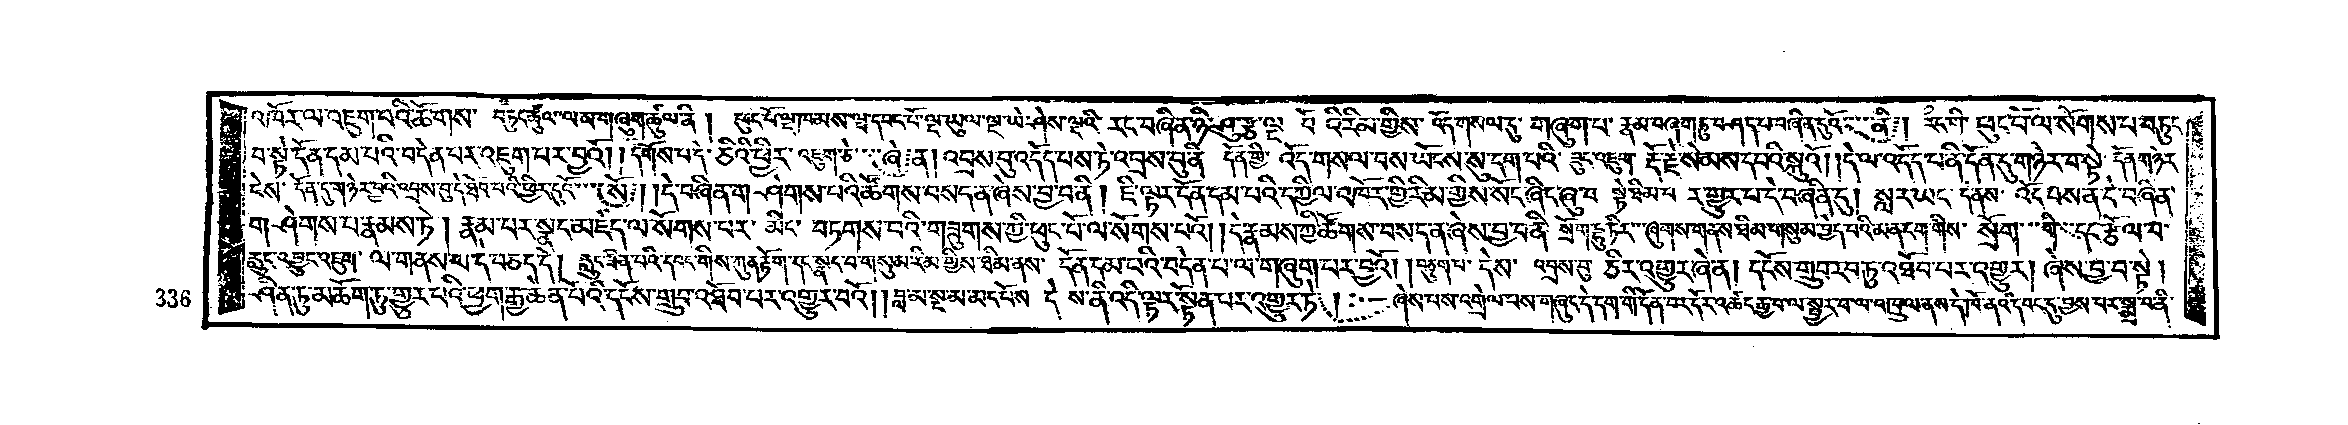འཁོར་ལ་འཇུག་པའི་ཚོགས ༢་བཏུང་ཚུལ་ལམ་གཞུག་ཚུལ་ནི། ཕུང་པོ་ལྔ་ཁམས་ལྔ་དབང་པོ་ལྔ་ཡུལ་ལ་ཡེ་ཤེས་ལྔའི་རང་བཞིན་ཉི་ཤུ་རྩ་ལྔ་པོའི་རིམ་གྱིས་འོད་གསལ་དུ་གཞུག་པ་རྣམ་བཞག་ཏུ་བཤད་པ་བཞིན་དུའོ་ནི། ༡་རང་གི་ཕུང་པོ་ལ་སོགས་པ་བཏུང་
བ་སྟེ་དོན་དམ་པའི་བདེན་པར་འཇུག་པར་བྱའོ། ། དགོས་པ་དེ་ཅིའི་ཕྱིར་འཇུག་ཅེ་ཞེ་ན། འབྲས་བུ་འདོད་པས་ཏེ་འབྲས་བུ་ནི་དོན་གྱི་འོད་གསལ་བས་ཡོངས་སུ་དག་པའི་ཟུང་འཇུག་རྡོ་རྗེ་སེམས་དཔའི་སྐུའོ། །དེ་ལ་འདོད་པ་ནི་དོན་དུ་གཉེར་བ་སྟེ་དོན་གཉེར་
དེས་དོན་དུ་གཉེར་བྱའི་འབྲས་བུ་དེ་ཐོབ་པའི་ཕྱིར་དུའོ་སོ། །དེ་བཞིན་གཤེགས་པའི་ཚོགས་བསད་ན་ཞེས་བྱ་བ་ནི། ཇི་ལྟར་དོན་དམ་པའི་དཀྱིལ་འཁོར་གྱི་རིམ་གྱིས་སོང་ཞིང་ཞུ་བ་སྟེ་ཐིམ་པར་གྱུར་པ་དེ་བཞིན་དུ། སླར་ཡང་དེ་ནས་འོད་པས་ན་དེ་བཞིན་
གཤེགས་པ་རྣམས་ཏེ། རྣམ་པར་སྣང་མཛད་ལ་སོགས་པར་མིང་བཏགས་པའི་གཟུགས་ཀྱི་ཕུང་པོ་ལ་སོགས་པའོ། །དེ་རྣམས་ཀྱི་ཚོགས་བསད་ན་ཞེས་བྱ་བ་ནི་སྲོག་དྷུ་ཏིར་ཞུགས་གནས་ཐིམ་གསུམ་བྱེད་པའི་མན་ངག་གིས་སྲོག་གི་དང་རྩོལ་བ་
རླུང་འབྱུང་འཇུག་ལ་གནས་པ་དེ་བཅད་དེ། རླུང་ཟིན་པའི་དབང་གིས་ཀུན་རྟོག་དང་སྣང་བ་གསུམ་རིམ་གྱིས་ཐིམ་ནས་དོན་དམ་པའི་བདེན་པ་ལ་གཞུག་པར་བྱའོ། ། བཅུག་པ་དེས་འབྲས་བུ་ཅིར་འགྱུར་ཞེ་ན། དངོས་གྲུབ་རབ་ཏུ་འཐོབ་པར་འགྱུར། ཞེས་བྱ་བ་སྟེ།
ཤིན་ཏུ་མཆོག་ཏུ་གྱུར་པའི་ཕྱག་རྒྱ་ཆེན་པོའི་དངོས་གྲུབ་འཐོབ་པར་འགྱུར་བའོ། ། བླ་མ་སྔ་མ་མང་པོས་དེ་ས་ནི་འདི་ལྟར་སྟོན་པར་འགྱུར་ཏེ། ཞེས་པས་འགྲེལ་པས་གཞུང་དེ་དག་གི་དོན་བར་དོར་འཚང་རྒྱ་བ་ལ་སྦྱར་བ་ལ་འཁྲུལ་ནས་དེ་ཁོ་ནའི་དབང་དུ་བྱས་པར་སྨྲ་བ་ནི་